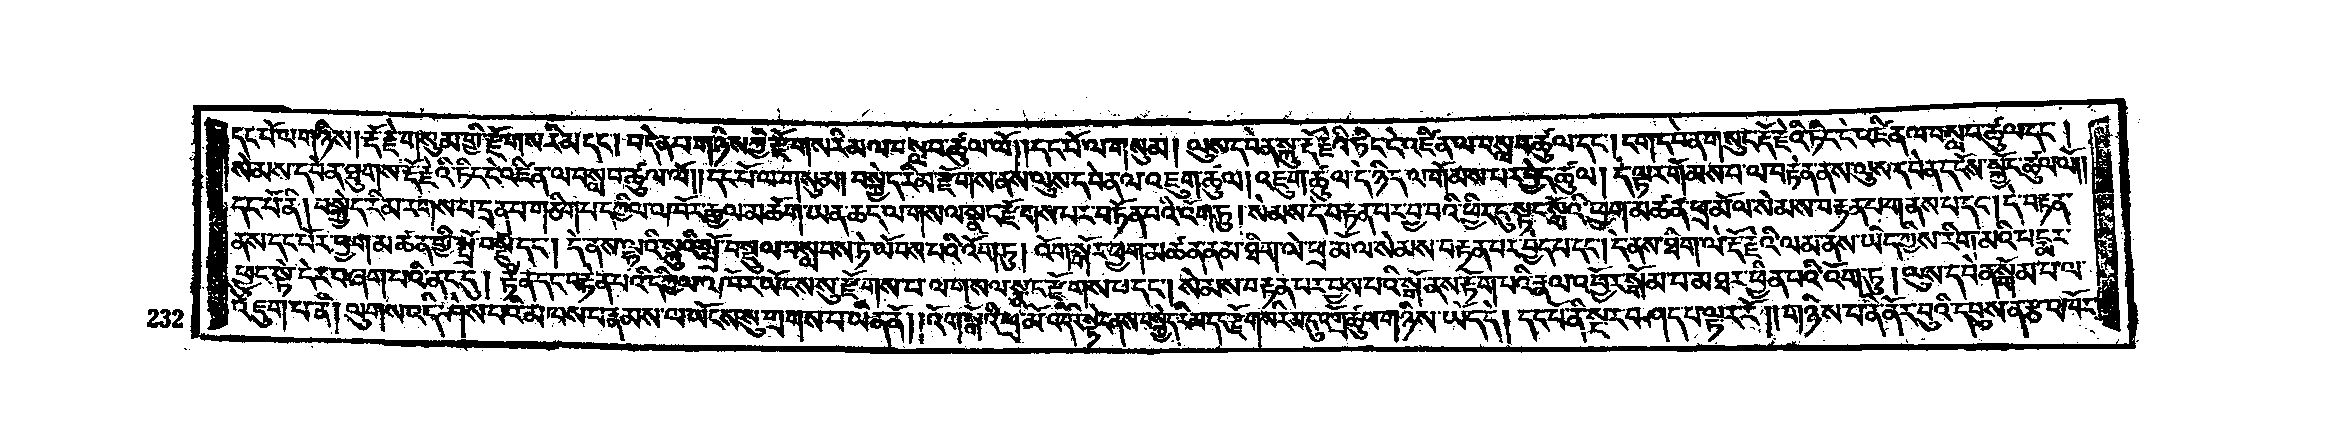དང་པོ་ལ་གཉིས། རྡོ་རྗེ་གསུམ་གྱི་རྫོགས་རིམ་དང་། བདེན་པ་གཉིས་ཀྱི་རྫོགས་རིམ་ལ་བསླབ་ཚུལ་ལོ། །དང་པོ་ལ་གསུམ། ལུས་དབེན་སྐུ་རྡོ་རྗེའི་ཏིང་ངེ་འཛིན་ལ་བསླབ་ཚུལ་དང་། ངག་དབེན་གསུང་རྡོ་རྗེའི་ཏིང་ངེ་འཛིན་ལ་བསླབ་ཚུལ་དང་།
སེམས་དབེན་ཐུགས་རྡོ་རྗེའི་ཏིང་ངེ་འཛིན་ལ་བསླབ་ཚུལ་ལོ། །དང་པོ་ལ་གསུམ། བསྐྱེད་རིམ་རྫོགས་ནས་ལུས་དབེན་ལ་འཇུག་ཚུལ། འཇུག་ཚུལ་དེ་ཉིད་ལ་གོམས་པར་བྱེད་ཚུལ། དེ་ལྟར་གོམས་པ་ལ་བརྟེན་ནས་ལུས་དབེན་དངོས་སྐྱོང་ཚུལ་ལོ།།
དང་པོ་ནི། བསྐྱེད་རིམ་རགས་པ་དྲན་པ་གཅིག་པ་དཀྱིལ་འཁོར་རྒྱལ་མཆོག་ཡན་ཆད་ལ་གསལ་སྣང་རྫོགས་པར་བཏོན་པའི་འོག་ཏུ། སེམས་དེ་བརྟན་པར་བྱ་བའི་ཕྱིར་དུ་སྟང་སྒོའི་ཕྱག་མཚན་ཕྲ་མོ་ལ་སེམས་བརྟན་པ་གནས་པ་དང་། དེ་བརྟན་
ནས་དང་པོར་ཕྱག་མཚན་གྱི་སྤྲོ་བསྡུ་དང་། དེ་ནས་ལྷའི་སྐུའི་སྤྲོ་བསྡུ་ལ་བསླབས་ཏེ་ལོབས་པའི་འོག་ཏུ། འོག་སྒོར་ཕྱག་མཚན་ནམ་ཐིག་ལེ་ཕྲ་མོ་ལ་སེམས་བརྟན་པར་བྱེད་པ་དང་། དེ་ནས་ཐིག་ལེ་རྡོ་རྗེའི་ལམ་ནས་ཡིད་ཀྱིས་རིག་མའི་པདམར་
ཕྱུང་སྟེ་དེར་བཞག་པའི་ནང་དུ། རྟན་དང་བརྟེན་པའི་དཀྱིལ་འཁོར་ཡོངས་སུ་རྫོགས་པ་ལ་གསལ་སྣང་རྫོགས་པ་དང་། སེམས་བརྟན་པར་བྱས་པའི་སྒོ་ནས་རྟོག་པའི་རྣལ་འབྱོར་སྒོམ་པ་མཐར་ཕྱིན་པའི་འོག་ཏུ། ལུས་དབེན་སྒོམ་པ་ལ་
འཇུག་པ་ནི། ལུགས་འདི་ཤེས་པའི་མཁས་པ་རྣམས་ལ་ཡོངས་སུ་གྲགས་པ་ཡིན་ནོ། །འོག་སྒོའི་ཕྲ་མོ་འདིའི་སྟེང་ནས་བསྐྱེད་རིམ་དང་རྫོགས་རིམ་དུ་འགྲོ་ཚུལ་གཉིས་ཡོད་དེ། དང་པོ་ནི་སྔར་བཤད་པ་ལྟར་རོ། །གཉིས་པ་ནི་ནོར་བུའི་དབུས་ན་རྩ་འཁོར་